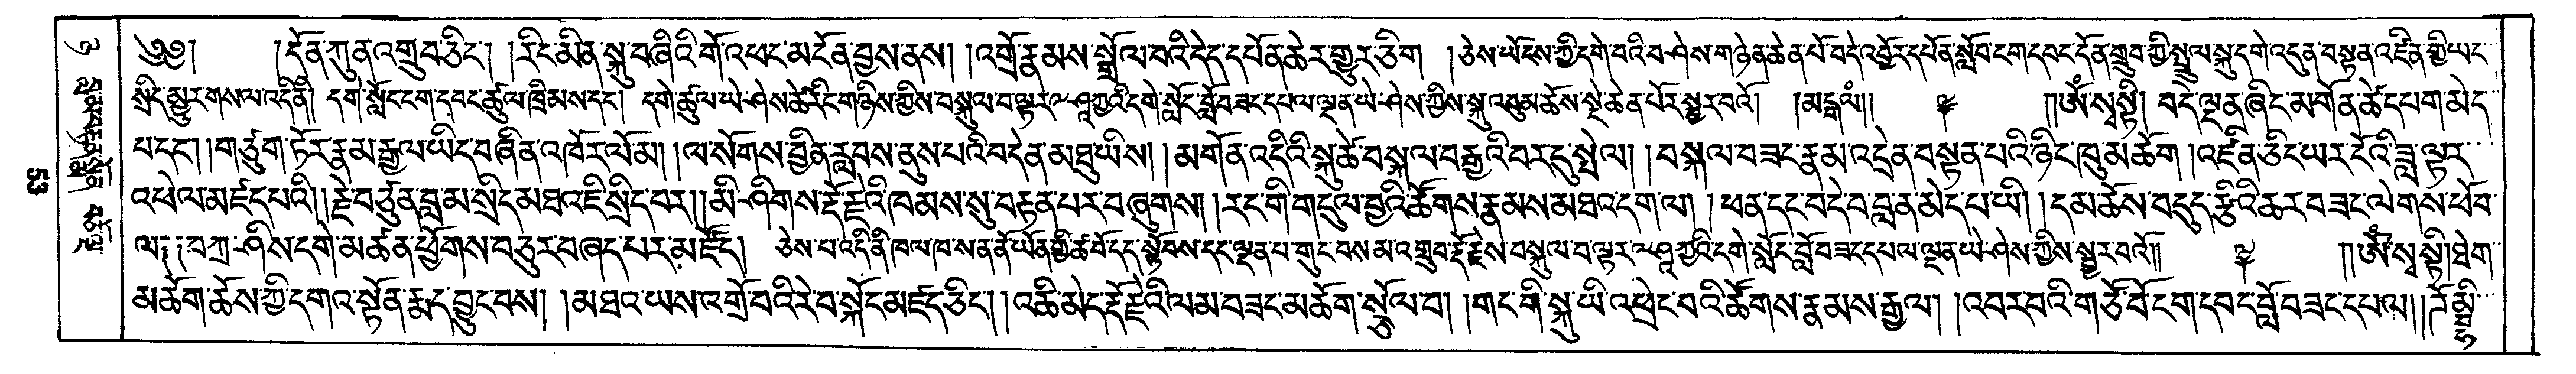༄༅། །དོན་ཀུན་འགྲུབ་ཅིང་། །རིང་མིན་སྐུ་བཞིའི་གོ་འཕང་མངོན་བྱས་ནས། །འགྲོ་རྣམས་སྒྲོལ་བའི་དེད་དཔོན་ཆེར་གྱུར་ཅིག །ཅེས་ཡོངས་ཀྱི་དགེ་བའི་བཤེས་གཉེན་ཆེན་པོ་བདེ་འབྱོར་དཔོན་སློབ་ངག་དབང་དོན་གྲུབ་ཀྱི་སྤྲུལ་སྐུ་དགེ་འདུན་བསྟན་འཛིན་གྱི་ཡང་
སྲིད་མྱུར་གསལ་འདི་ནི། དགེ་སློང་ངག་དབང་ཚུལ་ཁྲིམས་དང་། དགེ་ཚུལ་ཡེ་ཤེས་ཚེ་རིང་གཉིས་ཀྱིས་བསྐུལ་བལྟར ༧ཤཱཀྱའི་དགེ་སློང་བློ་བཟང་དཔལ་ལྡན་ཡེ་ཤེས་ཀྱིས་སྐུ་འབུམ་ཆོས་སྡེ་ཆེན་བོར་སྦྱར་བའོ། །མངྒ་ལཾ།། ༈ །།ཨོཾ་སྭ་སྟི། བདེ་ལྡན་ཞིང་མགོན་ཚེ་དཔག་མེད་
པ་དང་། །གཙུག་ཏོར་རྣམ་རྒྱལ་ཡིད་བཞིན་འཁོར་ལོམ། །ལ་སོགས་བྱིན་རླབས་ནུས་པའི་བདེན་མཐུ་ཡིས། །མགོན་འདིའི་སྐུ་ཚེ་བསྐལ་བརྒྱའི་བར་དུ་སྦེལ། །བསྐལ་བཟང་རྣམ་འདྲེན་བསྟན་པའི་ཉིང་ཁུ་མཆོག། །འཛིན་ཅིང་ཡར་དེའི་ཟླ་ལྷར་
འཕེལ་མཛད་པའི། །རྗེ་བཙུན་བླ་མ་སྲིད་མཐའ་ཇི་སྲིད་བར། །མི་ཤིགས་རྡོ་རྗེའི་ཁམས་སུ་བརྟན་པར་བཞུགས། །རང་གི་གདུལ་བྱའི་ཚོགས་རྣམས་མཐའ་དག་ལ། །ཕན་དང་བདེ་བ་བླ་ན་མེད་པ་ཡི། །དམ་ཆོས་བདུད་རྩིའི་ཆར་བཟང་ལེགས་ཕོབ་
ལ༑ ༑བཀྲ་ཤིས་དགེ་མཚན་ཕྱོགས་བཅུར་བཞད་པར་མཛོད། ཅེས་མ་འདི་ནི་ཁལ་ཁས་ན་ནོ་ཡོན་གྱི་ཚ་བོ་དང་སྟོབས་དང་ལྡན་པ་གུང་བསམ་འགྲུབ་རྡོ་རྗེ་བསྐུལ་བ་ལྟར ༧་ཤཱཀྱའི་དགེ་སློང་བློ་བཟང་དཔལ་ལྡན་ཡེ་ཤེས་ཀྱིས་སྦྱར་བའོ།། ༈ །།ཨོཾ་སྭསྟི། ཐེག་
མཆོག་ཆོས་ཀྱི་དགའ་སྟོན་རྨད་བྱུང་བས། །མཐའ་ཡས་འགྲོ་བའི་རེ་བ་སྐོང་མཛད་ཅིང་། །འཆི་མེད་རྡོ་རྗེའི་ལམ་བཟང་མཆོག་སྩོལ་བ། །གང་གི་སྐུ་ཡི་འཕྲེང་བའི་ཚོགས་རྣམས་རྒྱལ། །འབར་བའི་གཙོ་བོ་ངག་དབང་བློ་བཟང་དཔལ། །ཌོམྦྷི་